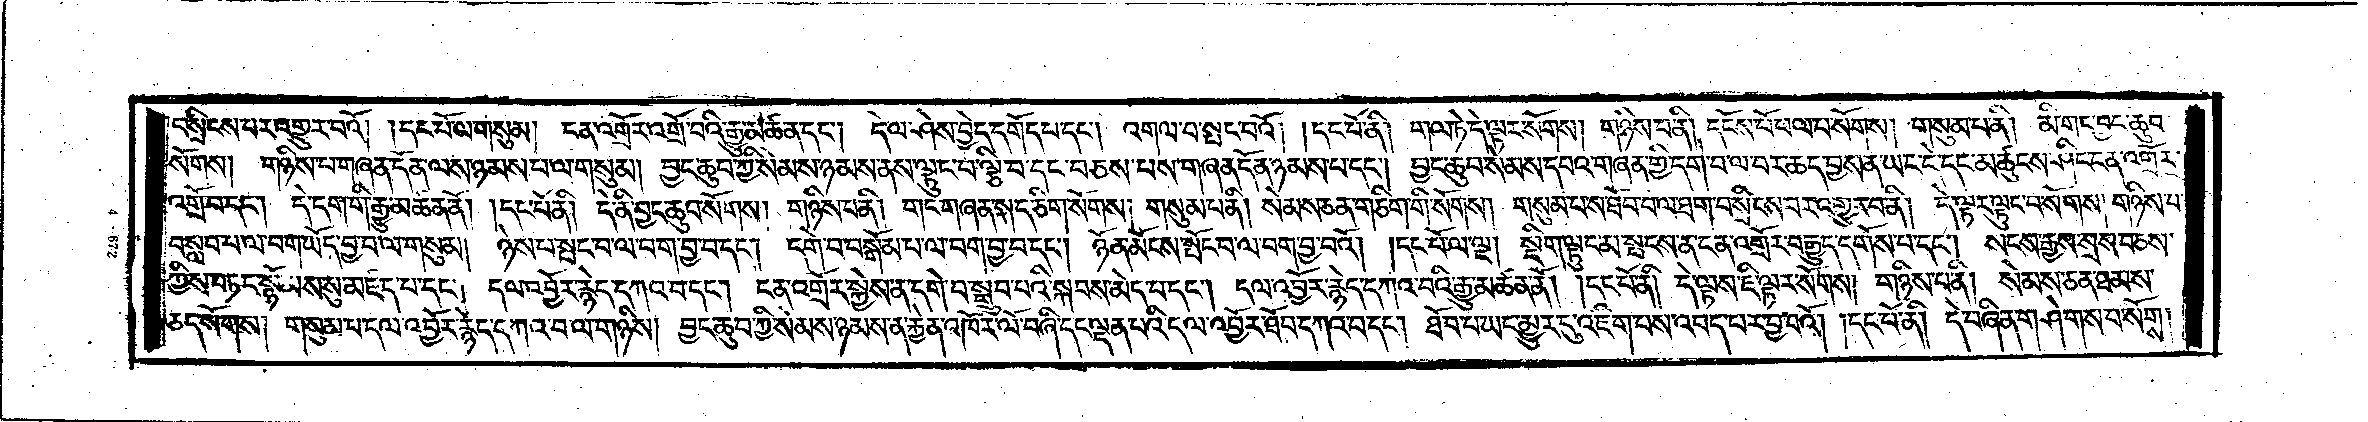བསྲིངས་པར་འགྱུར་བའོ། །དང་པོ་ལ་གསུམ། ངན་འགྲོར་འགྲོ་བའི་རྒྱུ་མཚན་དང་། དེ་ལ་ཤེས་བྱེད་དགོད་པ་དང་། འགལ་བ་སྤང་བའོ། །དང་པོ་ནི། གལ་ཏེ་དེ་ལྟར་སོགས། གཉིས་པ་ནི། དངོས་པོ་ཕལ་བ་སོགས། གསུམ་པ་ནི། མི་གང་བྱང་ཆུབ་
སོགས། གཉིས་པ་གཞན་དོན་ལས་ཉམས་པ་ལ་གསུམ། བྱང་ཆུབ་ཀྱི་སེམས་ཉམས་ནས་ལྟུང་བ་ལྕི་བ་དང་བཅས་པས་གཞན་དོན་ཉམས་པ་དང་། བྱང་ཆུབ་སེམས་དཔའ་གཞན་གྱི་དགེ་བ་ལ་བར་ཆད་བྱས་ན་ཡང་དེ་དང་མཚུངས་ཤིང་ངན་འགྲོར་
འགྲོ་བ་དང་། དེ་དག་གི་རྒྱུ་མཚན་ནོ། །དང་པོ་ནི། དེ་ནི་བྱང་ཆུབ་སོགས། གཉིས་པ་ནི། གང་གཞན་སྐད་ཅིག་སོགས། གསུམ་པ་ནི། སེམས་ཅན་གཅིག་གི་སོགས། གསུམ་པ་ས་ཐོབ་བ་ལ་ཐག་བསྲིངས་པར་འགྱུར་བ་ནི། དེ་ལྟར་ལྟུང་བ་སོགས། གཉིས་པ་
བསླབ་པ་ལ་བག་ཡོད་བྱ་བ་ལ་གསུམ། ཉེས་པ་སྤང་བ་ལ་བག་བྱ་བ་དང་། དགེ་བ་བསྒོམ་པ་ལ་བག་བྱ་བ་དང་། ཉོན་མོངས་སྤོང་བ་ལ་བག་བྱ་བའོ། །དང་པོ་ལ་ལྔ། སྡིག་ལྟུང་མ་སྤངས་ན་ངན་འགྲོར་བརྒྱུད་དགོས་པ་དང་། སངས་རྒྱས་སྲས་བཅས་
ཀྱིས་བཏང་སྙོམས་སུ་མཛད་པ་དང་། དལ་འབྱོར་རྙེད་དཀའ་བ་དང་། ངན་འགྲོར་སྐྱེས་ན་དགེ་བ་སྒྲུབ་པའི་སྐབས་མེད་པ་དང་། དལ་འབྱོར་རྙེད་དཀའ་བའི་རྒྱུ་མཚན་ནོ། །དང་པོ་ནི། དེ་ལྟས་ཇི་ལྟར་སོགས། གཉིས་པ་ནི། སེམས་ཅན་ཐམས་
ཅད་སོགས། གསུམ་པ་དལ་འབྱོར་རྙེད་དཀའ་བ་ལ་གཉིས། བྱང་ཆུབ་ཀྱི་སེམས་ཉམས་ན་རྐྱེན་འཁོར་ལོ་བཞི་དང་ལྡན་པའི་དལ་འབྱོར་ཐོབ་དཀའ་བ་དང་། ཐོབ་པ་ཡང་མྱུར་དུ་འཇིག་པས་འབད་པར་བྱ་བའོ། །དང་པོ་ནི། དེ་བཞིན་གཤེགས་པ་སོགས་